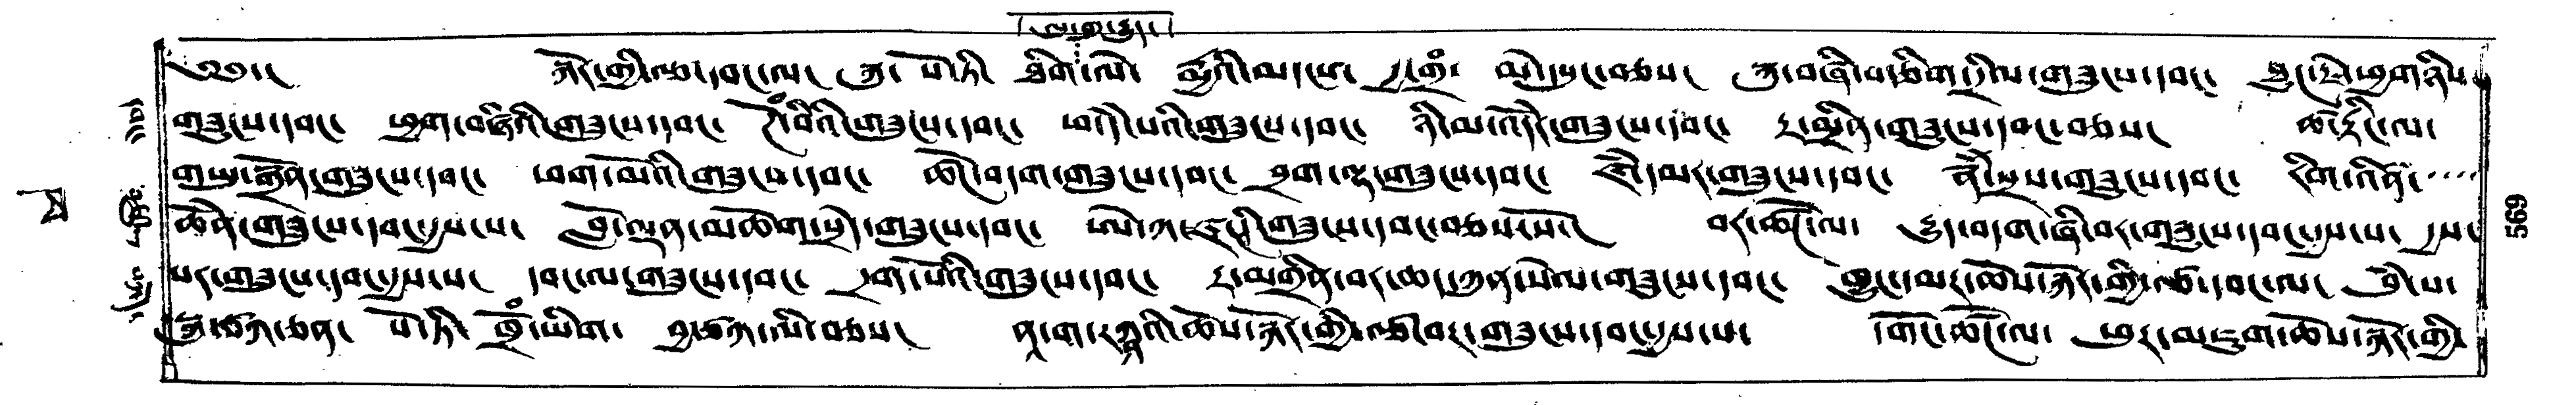སྐོར་གྱི་རྩ་དབང་ལ། སྐུ། པོ་ཏི། ཐིག་ལེ། རྨ་བྱའི་མདངས། རྒྱ་གྲམ། མེ་དཔུང་བཅས། སྐུ་བཞི་གཅིག་དྲིལ་གཟུངས་དབང་། ཐུགས་རྗེ་ཕྱག་གཉིས་
གཟུངས་དབང་། ཕྱག་བཞིའི་གཟུངས་དབང་། ཌོཾ་བིའི་གཟུངས་དབང་། ཕ་དམ་པའི་གཟུངས་དབང་། ཉི་མ་འོད་ཟེར་གཟུངས་དབང་། རྟ་མགྲིན་གཟུངས་དབང་བཅས། ཚ་རྟིང་ལ། 
གཡུ་སྒྲོན་གཟུངས་དབང་། ཕག་མོའི་གཟུངས་དབང་། ཚོགས་བདག་གཟུངས་དབང། བྲག་ལྷ་གཟུངས་དབང་། ཛམ་དམར་གཟུངས་དབང་། རྣམ་སྲས་གཟུངས་དབང་། རིག་འཛིན་
ཆེན་པོ་གཟུངས་དབང་རྒྱས་པ། བློ་ལྡན་མཆོག་སྲིད་གཟུངས་དབང་། ཨེ་ཀ་ཛ་ཊིའི་གཟུངས་དབང་བཅས་སོ། བར་ཚོགས་ལ། རྒྱུད་བདག་ཞི་བར་གཟུངས་དབང་རྒྱས་པ། རྒྱས་
པར་གཟུངས་དབང་རྒྱས་པ། དབང་ལ་གཟུངས་དབང་། དྲག་པོའི་གཟུངས་དབང་། རྟ་མགྲིན་བར་ཆད་ཀུན་སེལ་གཟུངས་དབང་། ཁྱུང་དམར་ཆོས་སྐོར་གྱི་རྩ་དབང་ལ། བུམ་པ་
སྐུ་ཙཀ་ཅན། པོ་ཏི། ཁྲོཾ་ཡིག བྱ་ཙཀ་ལི་བཅས། ནཱ་ག་རཀྴའི་ཆོས་སྐོར་གྱི་རྩ་བར་གཟུངས་དབང་རྒྱས་པ། དགོང་ཚོགས་ལ། ཕུར་མཇུག་ཆོས་སྐོར་གྱི་